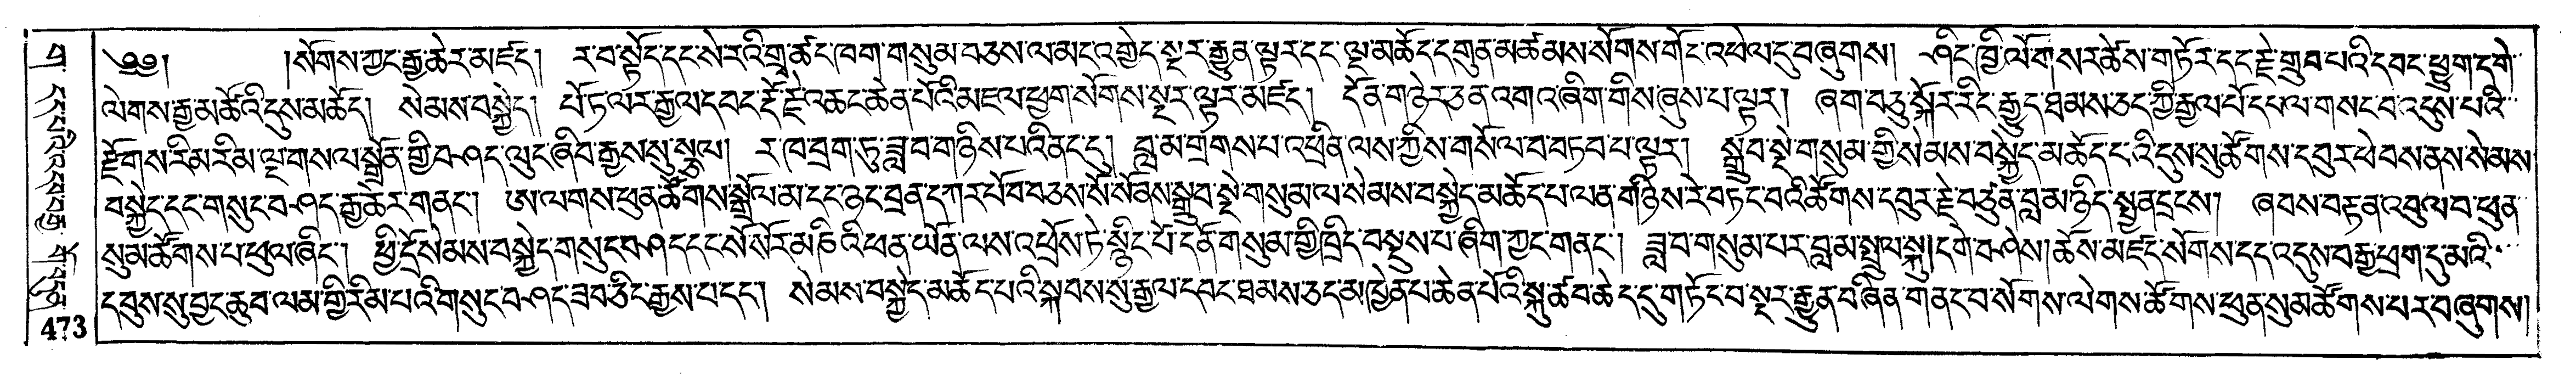༄༅། །སོགས་ཀྱང་རྒྱ་ཆེར་མཛད། ར་བ་སྟོད་དང་སེ་རའི་གྲྭ་ཚང་ཁག་གསུམ་བཅས་ལ་མང་འགྱེད་སྔར་རྒྱུན་ལྟར་དང་ལྔ་མཆོད་དགུན་མཚམས་སོགས་གོང་འཕེལ་དུ་བཞུགས། ཤིང་ཁྱི་ལོ་གསར་ཚེས་གཏོར་དང་རྗེ་གྲུབ་པའི་དབང་ཕྱུག་དགེ་
ལགས་རྒྱ་མཚོའི་དུས་མཆོད། སེམས་བསྐྱེད། པོ་ཏ་ལར་རྒྱལ་དབང་རྡོ་རྗེ་འཆང་ཆེན་པོའི་མཇལ་ཕྱག་སོགས་སྔར་ལྟར་མཛད། དོན་གཉེར་ཅན་འགའ་ཞིག་གིས་ཞུས་པ་ལྟར། ཞག་བཅུ་སྐོར་རིང་རྒྱུད་ཐམས་ཅད་གི་རྒྱལ་པོ་དཔལ་གསང་བ་འདུས་པའི་
རྫོགས་རིམ་རིམ་ལྔ་གསལ་སྒྲོན་གྱི་བཤད་ལུང་ཞིབ་རྒྱས་སུ་སྩལ། ར་ཁ་བྲག་ཏུ་ཟླ་བ་གཉིས་པའི་ནང་དུ། བླ་མ་གྲགས་པ་འཕྲིན་ལས་ཀྱིས་གསོལ་བ་བཏབ་པ་ལྟར། སྒྲུབ་སྡེ་གསུམ་གྱི་སེམས་བསྐྱེད་མཆོད་པའི་དུས་སུ་ཚོགས་དབུར་ཕེབས་ནས་སེམས་
བསྐྱེད་དང་གསུང་བཤད་རྒྱ་ཆེར་གནང་། ཨ་ལགས་ཕུན་ཚོགས་སྒྲོལ་མ་དང་ཉང་བྲན་དཀར་པོ་བ་བཅས་སོ་སོ་ནས་སྒྲུབ་སྔེ་གསུམ་ལ་སེམས་བསྐྱེད་མཆོད་པ་ལན་གཉིས་རེ་བཏང་བའི་ཚོགས་དབུར་རྗེ་བཙུན་བླ་མ་ཉིད་སྤྱན་དྲངས། ཞབས་བརྟན་འབུལ་བ་ཕུན་
སུམ་ཚོགས་པ་ཕུལ་ཞིང་། ཕྱི་དྲོ་སེམས་བསྐྱེད་གསུང་བཤད་དང་སོ་སོར་མ་ཎིའི་ཕན་ཡོན་ལས་འཕྲོས་ཏེ་སྙིང་པོ་དོན་གསུམ་གྱི་ཁྲིད་བསྡུས་པ་ཞིག་ཀྱང་གནང་། ཟླ་བ་གསུམ་པར་བླ་མ་སྤྲུལ་སྐུ། དགེ་བཤེས། ཆོས་མཛད་སོགས་དང་འདུས་བརྒྱ་ཕྲག་དུ་མའི་
དབུས་སུ་བྱང་ཆུབ་ལམ་གྱི་རིམ་པའི་གསུང་བཤད་ཟབ་ཅིང་རྒྱས་པ་དང་། སེམས་བསྐྱེད་མཆོད་པའི་སྐབས་སུ་རྒྱལ་དབང་ཐམས་ཅད་མཁྱེན་པ་ཆེན་པོའི་སྐུ་ཚབ་ཆེད་དུ་གཏོང་བ་སྔར་རྒྱུན་བཞིན་གནང་བ་སོགས་ལེགས་ཚོགས་ཕུན་སུམ་ཚོགས་པར་བཞུགས།